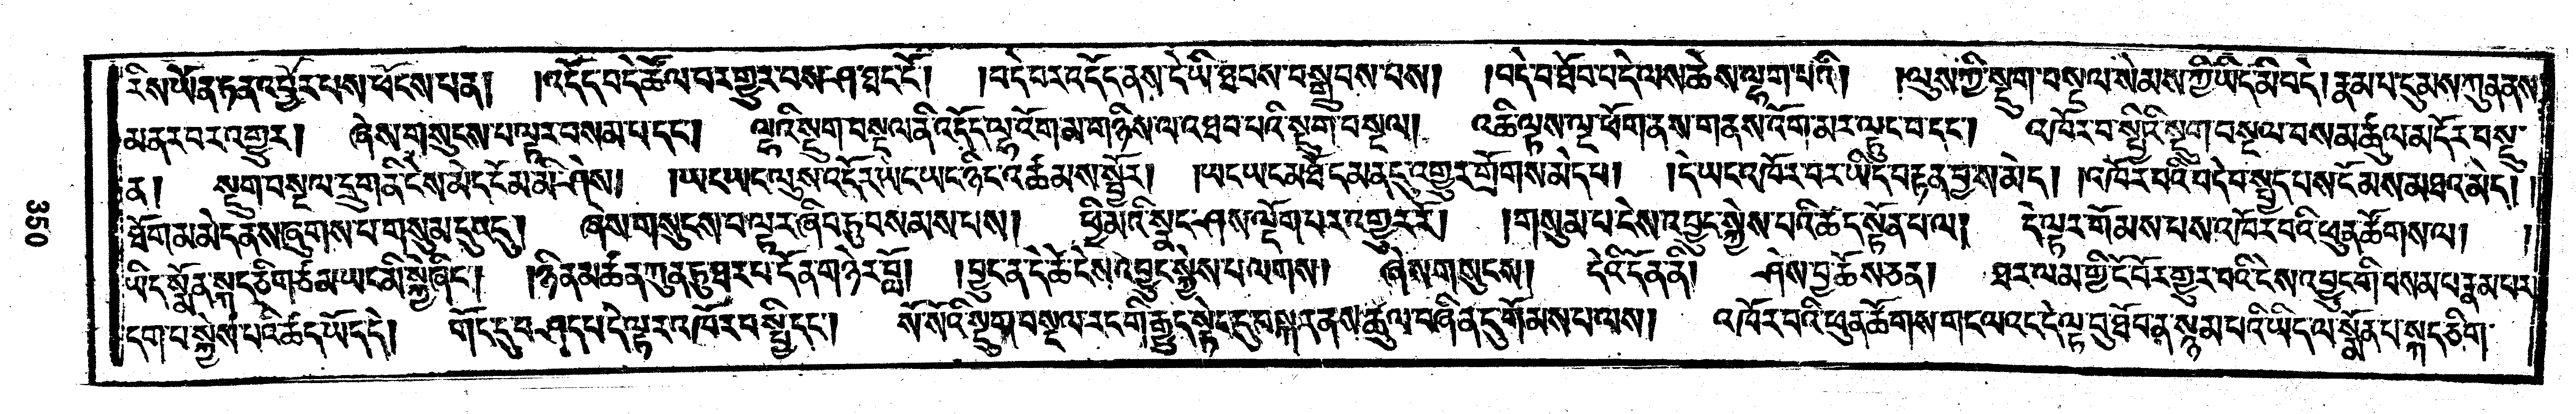རིས་ཡོན་ཏན་འབྱོར་པས་ཕོངས་པན། །འདོད་བདེ་ཚོལ་བར་གྱུར་བས་ཤ་ཐང་ངོ། །བདེ་བར་འདོད་ནས་དེ་ཡི་ཐབས་བསྒྲུབས་བས། །བདེ་བ་ཐོབ་པ་དེ་ལས་ཆེས་ལྷག་པའི། །ལུས་ཀྱི་སྡུག་བསྔལ་སེམས་ཀྱི་ཡིད་མི་བདེ། རྣམ་པ་དུམས་ཀུན་ནས་
མནར་བར་འགྱུར། ཞེས་གསུངས་པ་ལྟར་བསམ་པ་དང་། ལྷའི་སྡུག་བསྔལ་ནི་འདོད་ལྷ་འོག་མ་གཉིས་ལ་འཐབ་པའི་སྡུག་བསྔལ། འཆི་ལྟས་ལྔ་ཕོག་ནས་གནས་འོག་མར་ལྟུང་བ་དང་། འཁོར་བ་སྤྱིའི་སྡུག་བསྔལ་བསམ་ཚུལ་མདོར་བསྡུ་
ན། སྡུག་བསྔལ་དྲུག་ནི་ངེས་མེད་ངོམ་མི་ཤེས། །ཡང་ཡང་ལུས་འདོར་ཡང་ཡང་ཉིད་འཚམས་སྦྱོར། །ཡང་ཡང་མཐོ་དམན་དུ་འགྱུར་གྲོགས་མེད་པ། །དེ་ཡང་འཁོར་བར་ཡིད་བརྟན་བྱ་ས་མེད། །འཁོར་བའི་བདེ་བ་སྤྱད་པས་དོམས་མཐའ་མེད། །
ཐོག་མ་མེད་ནས་ཞུགས་པ་གསུམ་དུ་འདུ། ཞེས་གསུངས་བ་ལྟར་ཞིབ་ཏུ་བསམས་པས། ཕྱི་མའི་སྣང་ཤས་ལྡོག་པར་འགྱུར་རོ། །གསུམ་པ་ངེས་འབྱུང་སྐྱེས་པའི་ཚད་སྟོན་པ་ལ། དེ་ལྟར་གོམས་པས་འཁོར་བའི་ཕུན་ཚོགས་ལ། །
ཡིད་སྨོན་སྐད་ཅིག་ཙམ་ཡང་མི་སྐྱེ་ཞིང་། །ཉིན་མཚན་ཀུན་ཏུ་ཐར་པ་དོན་གཉེར་བློ། །བྱུང་ན་དེ་ཚེ་ངེས་འབྱུང་སྐྱེས་པ་ལགས། ཞེས་གསུངས། དེའི་དོན་ནི། ཤེས་བྱ་ཆོས་ཅན། ཐར་ལམ་གྱི་ངོ་བོར་གྱུར་བའི་ངེས་འབྱུང་གི་བསམ་པ་རྣམ་པར་
དག་པ་སྐྱེས་པའི་ཚད་ཡོད་དེ། གོང་དུ་བཤད་པ་དེ་ལྟར་འཁོར་བ་སྤྱི་དང་། སོ་སོའི་སྡུག་བསྔལ་རང་གི་རྒྱུད་སྟེང་དུ་བསྐར་ནས་ཚུལ་བཞིན་དུ་གོམས་པ་ལས། འཁོར་བའི་ཕུན་ཚོགས་གང་ལའང་དེ་ལྟ་བུ་ཐོབ་ན་སྙམ་པའི་ཡིད་ལ་སྨོན་པ་སྐད་ཅི་